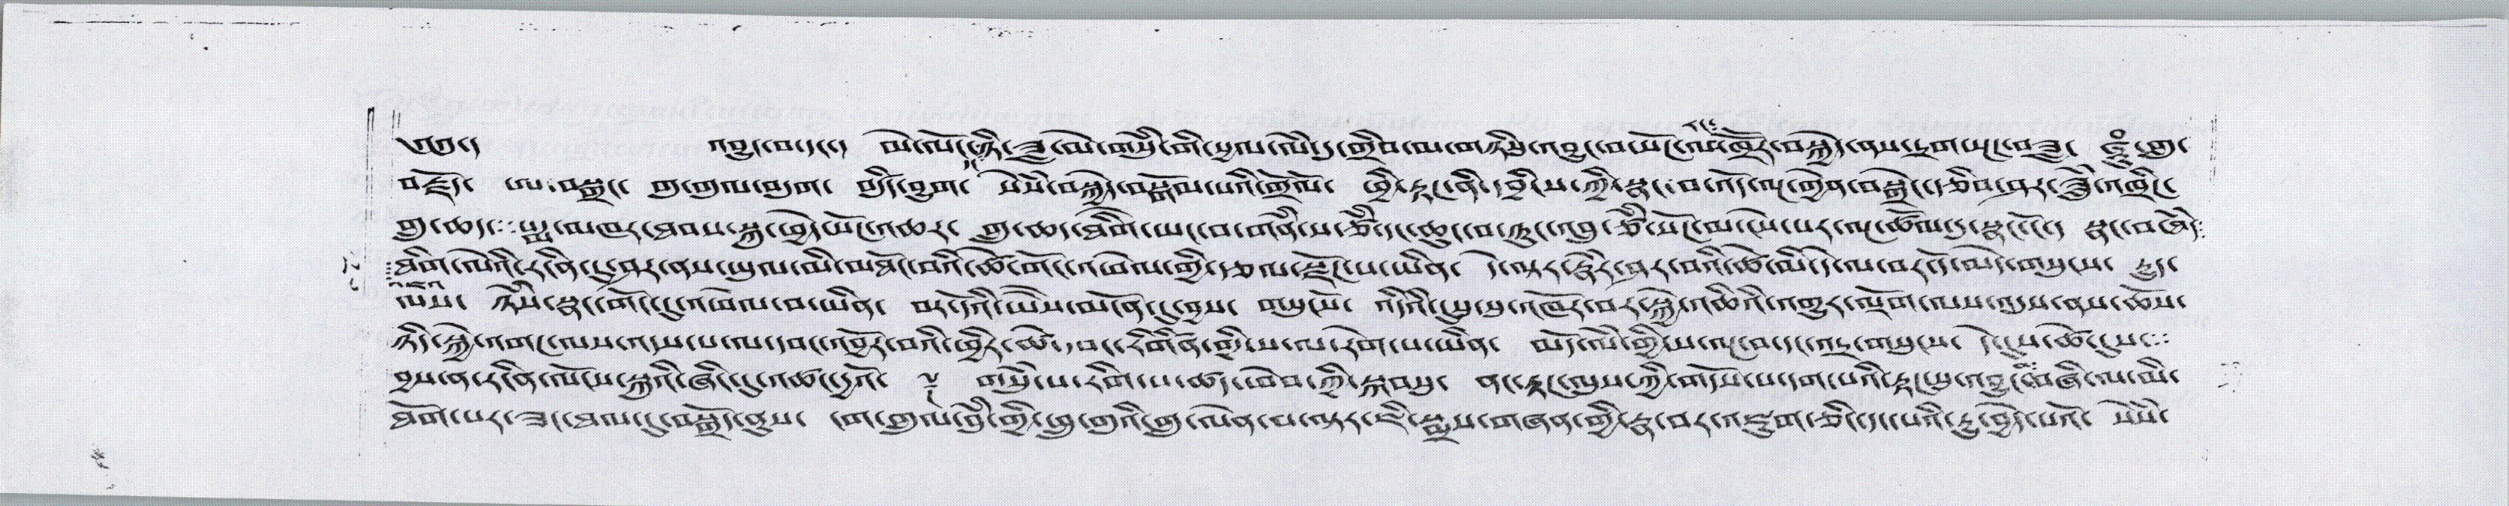འབྱུང་བ་དང་། མེ་ལོང་དང་ཉི་ཟླ་མེ་གསུམ་གྱི་གསལ་ལམ་དུ་གྲིབ་མ་གཉིས་འབྱུང་བ་སོགས་ལ་རང་ཁྲོ་བོར་བསྐྱེད་ནས་དྲག་སྔགས་བཟླ། ཧཱུཾ་གྲུ་
བརྗོད། ཨཱཿབསྒྲང་། གུལ་ཁུལ་བདུག བདུད་རྩི་བྱུག སེམས་བསྐྱེད་བསྒོམས་པས་གྲོལ་ལོ། ཕྱི་རྟགས་ནི་དབྱིངས་ཀྱི་སྣང་བ་འོད་ལྔ་གྱེན་བསྒྲེང་རྩིབས་ཤར་ཟླ་གམ་འཁྲིགས་
གྲུ་ཆད། པདྨ་མཁར་ཐབས་སྐུ་ཕྱེད་སོགས་འཆར། གྲུ་ཆད་ཐིག་ལེ་ཡང་བ་གནམ་ས་ཙམ་དང་ཆུང་བ་ཉུང་འབྲུ་ཙམ་སོགས་མ་ངེས་པར་ལྔ་ཚོམ་དུ་སྣང་ངོ་། སྣང་བ་ཐམས་ཅད་
འཇའ་ཐིག་ལེའི་རང་བཞིན་དུ་ཤར་ནས་ཡུལ་མི་མཐོང་བའི་ཚེ་གོང་འཕེལ་གྱི་རྩལ་རྫོགས་པ་ཡིན། དེ་ལྟར་རྣམ་པར་ཤར་བའི་ཚེ་མི་དེ་ལ་བར་དོ་མེད་གསུངས། རྒྱུད་
ལས། ཉམས་སྣང་གོང་དུ་འཕེལ་བ་ཡིན། །བར་དོའི་ཡེ་ཤེས་མངོན་དུ་བྱས། །གསུངས་སོ། །འདིའི་དུས་སུ་འཁོར་བར་སྐྱེ་འཆིའི་འགྱུར་ལྡོག་ལས་འདུས་ནས་ཆོས་
ཉིད་སྐྱེ་འགག་ལས་འདས་པ་ལ་དབང་འབྱོར་བའི་ཕྱིར་ཚེ་དབང་རིག་འཛིན་གྱི་ས་ལ་རེག་པ་ཡིན། མདོ་ལམ་གྱི་ས་ལྔ་པ་དང་འདྲ་གསུངས། དེ་དུས་ཚེ་དུས་
བྱས་ན་རང་བཞིན་ལོངས་སྐུའི་ཞིང་དུ་འཚང་རྒྱའོ།། ༧ གསུམ་པ་རིག་པ་ཚད་ཕེབས་ཀྱི་སྐབས་སུ། ནང་རྟགས་ལུས་ཀྱི་གདོས་པ་དག་པའི་རྟགས་སུ་འབྱུང་བ་བཞི་ལ་མི་
ཐོགས་པར་ཟང་ཐལ་དུ་བགྲོད་ནུས། ངག་གྲུལ་བུམ་གྱི་ཕྲུ་གུའི་གླུ་ལེན་པ་ལྟར་ཇི་སྨྲས་གཞན་གྱི་རྣ་བར་འཇུག་ཅིང་དང་བའི་རྒྱུ་བྱེད་པའོ། །སེམས་